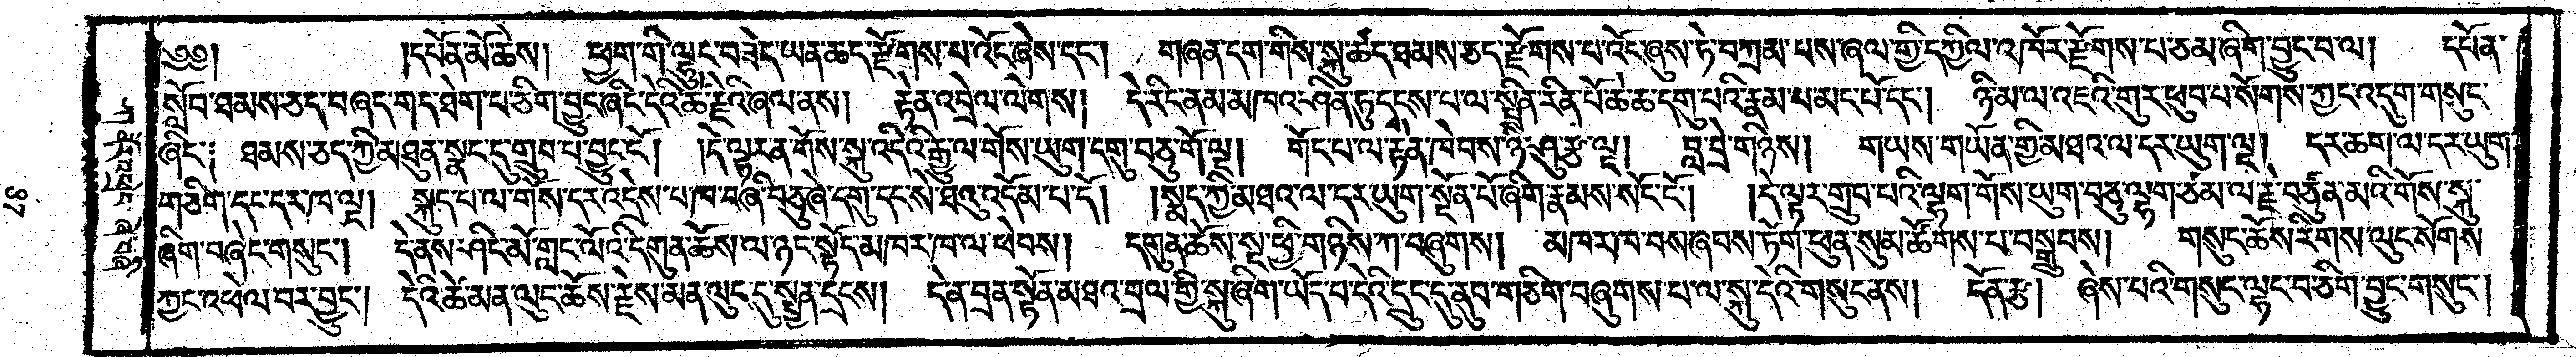༄༅། །དཔོན་མོ་ཆེས། ཕྱག་གི་ལྷུང་བཟེད་ཡན་ཆད་རྫོགས་པ་འོང་ཞེས་དང་། གཞན་དག་གིས་སྐུ་ཚད་ཐམས་ཅད་རྫོགས་པ་འོང་ཞུས་ཏེ་བཀྲམ་པས་ཞལ་གྱི་དཀྱིལ་འཁོར་རྫོགས་པ་ཅམ་ཞིག་བྱུང་བ་ལ། དཔོན་
སློབ་ཐམས་ཅད་བཞད་གད་ཐེག་པ་ཅིག་བྱུང་ཞིང་དེའི་ཚེ་རྗེའི་ཞལ་ནས། རྟེན་འབྲེལ་ལེགས། དེ་རིང་ནམ་མཁའ་ཤིན་ཏུ་དྭངས་པ་ལ་སྤྲིན་རིན་པོ་ཆེ་ཆ་དགུ་པའི་རྣམ་པ་མང་པོ་དང་། ཉི་མ་ལ་འཇའི་གུར་ཕུབ་པ་སོགས་ཀྱང་འདུག་གསུང་
ཞིང༑ ཐམས་ཅད་ཀྱི་མཐུན་སྣང་དུ་གྲུབ་པ་བྱུང་ངོ། །དེ་ལྟར་ན་གོས་སྐུ་འདིའི་རྒྱུ་ལ་གོས་ཡུག་དགུ་བཅུ་གོ་ལྔ། གོང་པ་ལ་རྟེན་ཁེབས་ཉི་ཤུ་རྩ་ལྔ། བླ་བྲེ་གཉིས། གཡས་གཡོན་གྱི་མཐའ་ལ་དར་ཡུག་ལྔ། དར་ཆག་ལ་དར་ཡུག་
གཅིག་དང་དར་ཁ་ལྔ། སྐུད་པ་ལ་གོས་དར་འདྲེས་པ་ཁ་བཞི་བཅུ་ཞེ་དགུ་དང་སེ་ཐའུ་འདོམ་པ་དོ། །སྨད་ཀྱི་མཐའ་ལ་དར་ཡུག་སྔོན་པོ་ཞིག་རྣམས་སོང་ངོ། །དེ་ལྟར་གྲུབ་པའི་ལྷག་གོས་ཡུག་བཅུ་ལྷག་ཙམ་ལ་རྗེ་བཙུན་མའི་གོས་སྐུ་
ཞིག་བཞེང་གསུང་། དེ་ནས་ཤིང་མོ་གླང་ལོའི་དགུན་ཆོས་ལ་ཉང་སྟོད་མཁར་ཁ་ལ་ཕེབས། དགུན་ཆོས་སྔ་ཕྱི་གཉིས་ཀ་ཁེབས་ཉི་ཤུ་རྩ་ལྔ། བླ་བྲེ་གཉིས། གཡས་གཡོན་གྱི་གསུང་ཆོས་རིགས་ལུང་སོགས་
ཀྱང་འཕེལ་བར་བྱུང་། དེའི་ཚེ་མན་ལུང་ཆོས་རྗེས་མན་ལུང་དུ་སྤྱན་དྲངས། དེ་ན་བྲན་སྟོན་མཐའ་བྲལ་གྱི་སྐུ་ཞིག་ཡོད་པ་དེའི་དྲུང་དུ་ནུབ་གཅིག་བཞུགས་པ་ལ་སྐུ་དེའི་གསུང་ནས། དོན་རྩ། ཞེས་པའི་གསུང་ལྷང་བ་ཅིག་བྱུང་གསུང་།